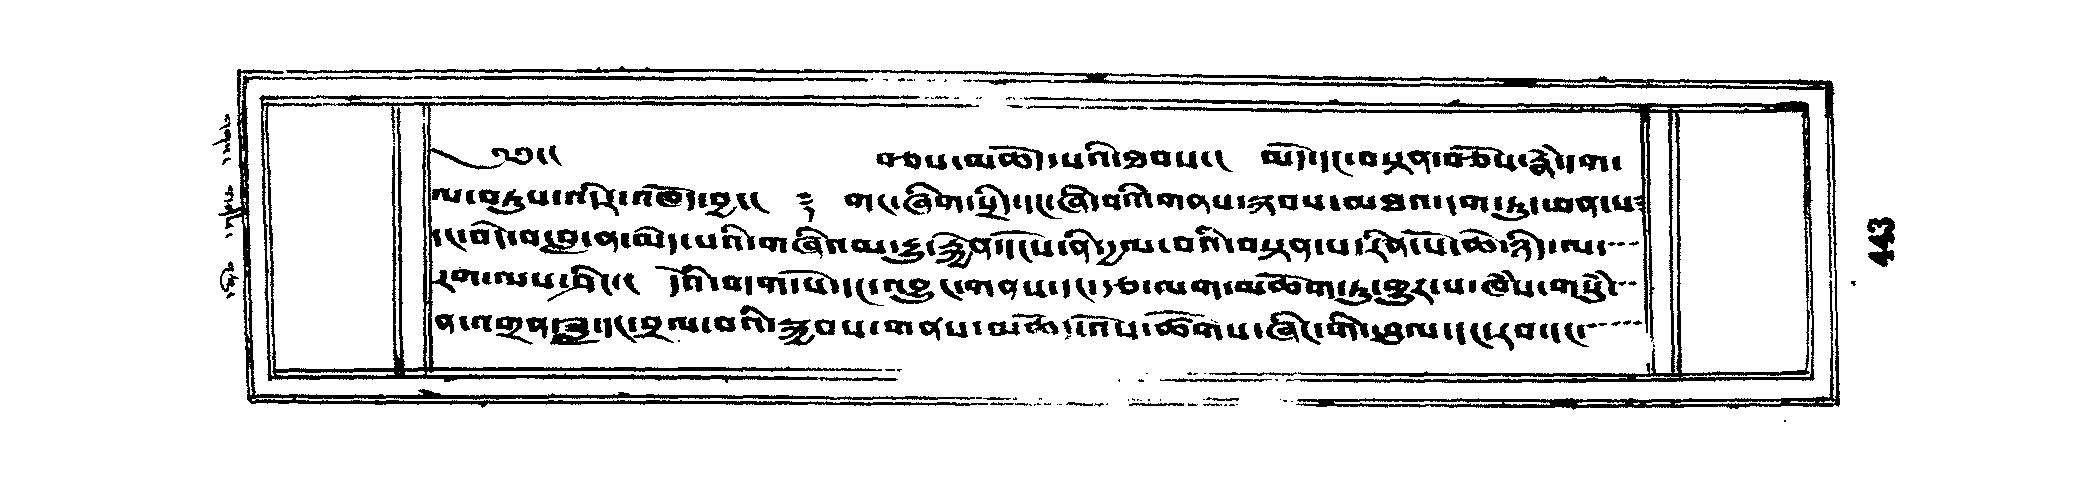བཅས་མཆོད་པའི་ཐབས། །མདོ་དང་བསྟན་བཅོས་རྣམ་དག་
ལ་བཏུས་འདིར་འཁོད་བྱ། གང་ཞིག་སྲིད་དང་ཞི་བའི་གནས་སྐབས་མཐའ་དག་ཏུ་ཕན་པ་
དང་བདེ་བ་བླ་ན་མེད་པའི་གཞིའམ་རྒྱུ་རྐྱེན་དངོས་ནི་རྒྱལ་བའི་བསྟན་པ་རིན་པོ་ཆེ་ཉིད་ལ་
རག་ལས་ཤིང་། དེའི་བདག་པོ་དང་འབྱུང་གནས་དང་རྩ་ལག་མཆོག་ཏུ་གྱུར་པ་ཁམས་གསུམ་
ན་འགྲན་ཟླ་དང་བྲལ་བའི་སྐྱབས་གནས་མཆོད་འོས་ཚོགས་ཞིང་གི་ཕུལ་དང་རབ་དང་